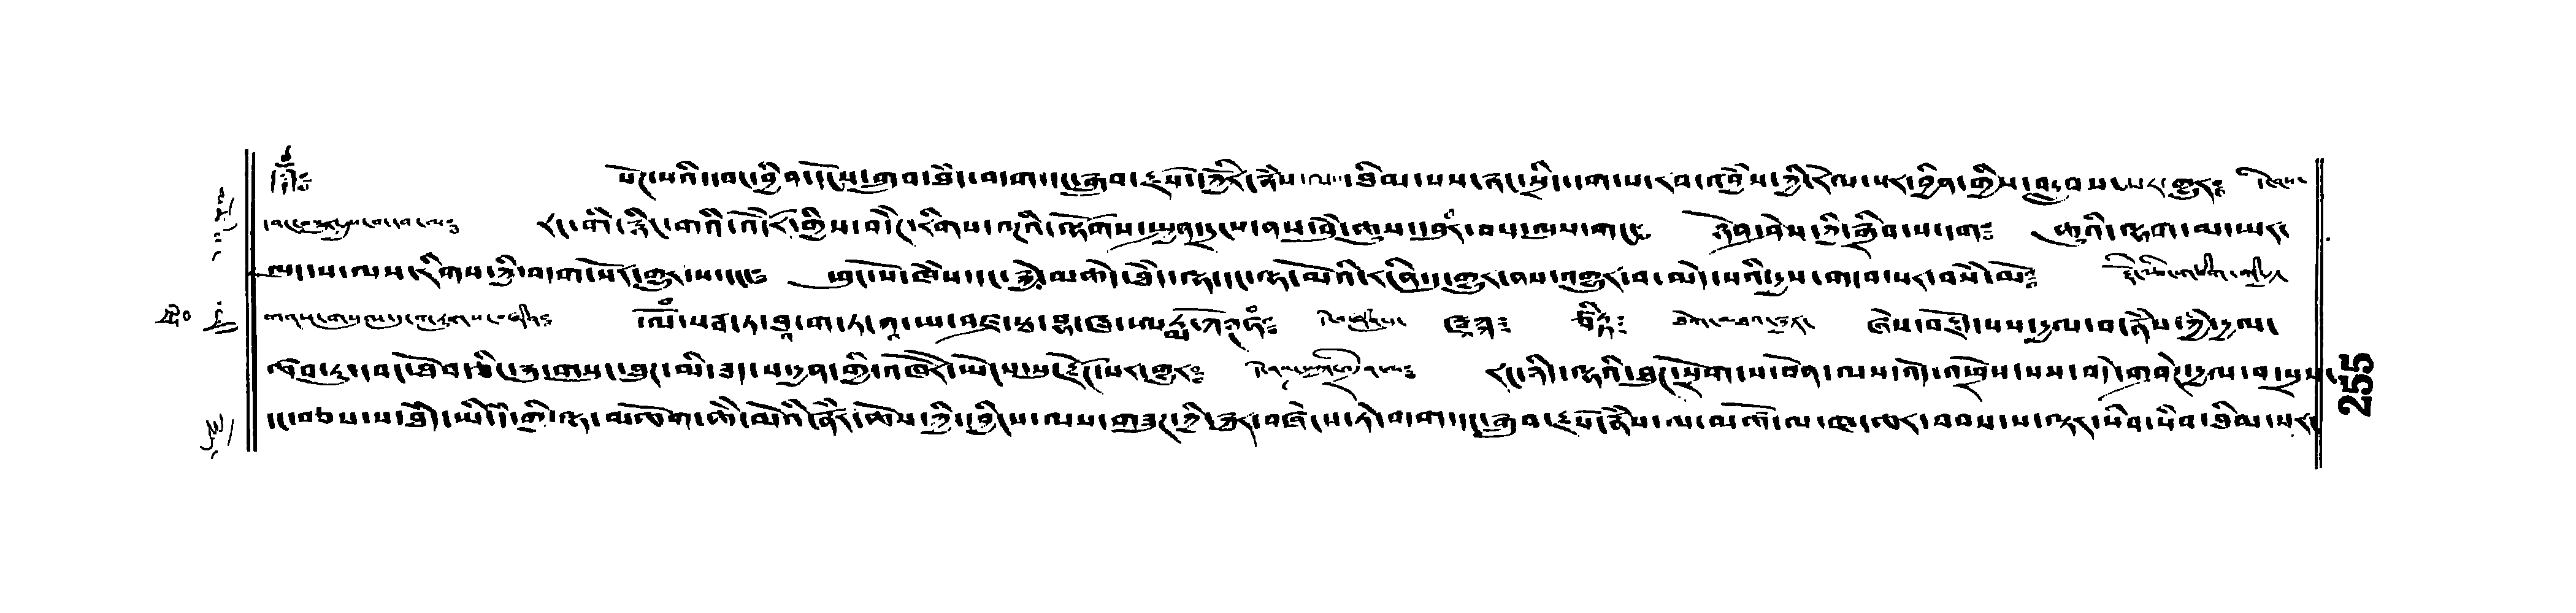སོགས་པའི་དབང་བྱིན་དངོས་གྲུབ་ཐམས་ཅད་བདག་དང་སྒྲུབ་རྫས་དཀྱིལ་འཁོར་རྣམས་ལ་ཐིམ་པས་སྣང་སྲིད་དག་པ་རབ་འབྱམས་ཀྱི་རོལ་པར་བྱིན་གྱིས་བརླབས་པར་གྱུར༔ དེ་ནས་
དབང་བསྐུར་རྒྱལ་གདབ་ལ༔ རང་གི་སྙིང་གའི་འོད་ཟེར་གྱིས་བདེ་གཤེགས་རིགས་ལྔའི་ལྷ་ཚོགས་སྤྱན་དྲངས་ནས་བུམ་ཆུས་དབང་བསྐུར་བས་ལུས་གང༔ ཉོན་ཤེས་ཀྱི་སྒྲིབ་པ་དག༔ ཆུའི་ལྷག་མ་ཡར་
ལུད་པ་ལས་རིགས་ཀྱི་བདག་པོར་གྱུར་པ་དང༔ ཕུང་པོ་ཁམས་དང་སྐྱེ་མཆེད་ཐམས་ཅད་ལྷ་དང་ལྷ་མོའི་རང་བཞིན་དུ་གྱུར་ནས་འགྱུར་བ་མེད་པའི་རྒྱས་གདབ་པར་བསམ་མོཿ རྡོ་རྗེ་རྩེ་གཅིག་གི་རྒྱ་
གནས་གསུམ་དུ་གཏུག་བཞིན༔ ཨོཾ་སརྦ་ཏ་ཐཱ་ག་ཏ་ཀཱ་ཡ་བཛྲ་སྭ་བྷ་ཝ་ཨཏྨ་ཀོ྅ཧཾ༔ དེ་བཞིན་དུ༔ ཝཱཀྐ༴ ཙིཏྟ༴ ཐོག་མཐའ་སྦྱར༔ ཞེས་བརྗོད་པས་རྒྱལ་བ་རྣམས་ཀྱི་རྒྱལ་
ཚབ་ཏུ་དབང་ཐོབ་ཅིང་སྐུ་གསུང་ཐུགས་མི་ཟད་པ་རྒྱན་གྱི་འཁོར་ལོར་ཡོངས་སུ་རྫོགས་པར་གྱུར༔དེ་ནས་སྤྱན་འདྲེན་ལ༔ རང་ཉིད་ལྷའི་ཐུགས་སྲོག་ས་བོན་ལས་འོད་འཕྲོས་པས་བདེ་གཤེགས་རྒྱལ་བ་སྲས་
དང་བཅས་པ་ཐམས་ཅད་ཡི་དམ་གྱི་ལྷ་མཆོག་ཆེ་གེ་མོའི་རྣམ་པར་ཆོས་ཀྱི་དབྱིངས་ལས་གཟུགས་ཀྱི་སྐུར་བཞེངས་ཏེ་བདག་དང་སྒྲུབ་རྫས་རྣམས་ལ་མཚོ་ལ་ཁ་ཆར་བབས་པ་ལྟར་སིབ་སིབ་ཐིམ་པར་